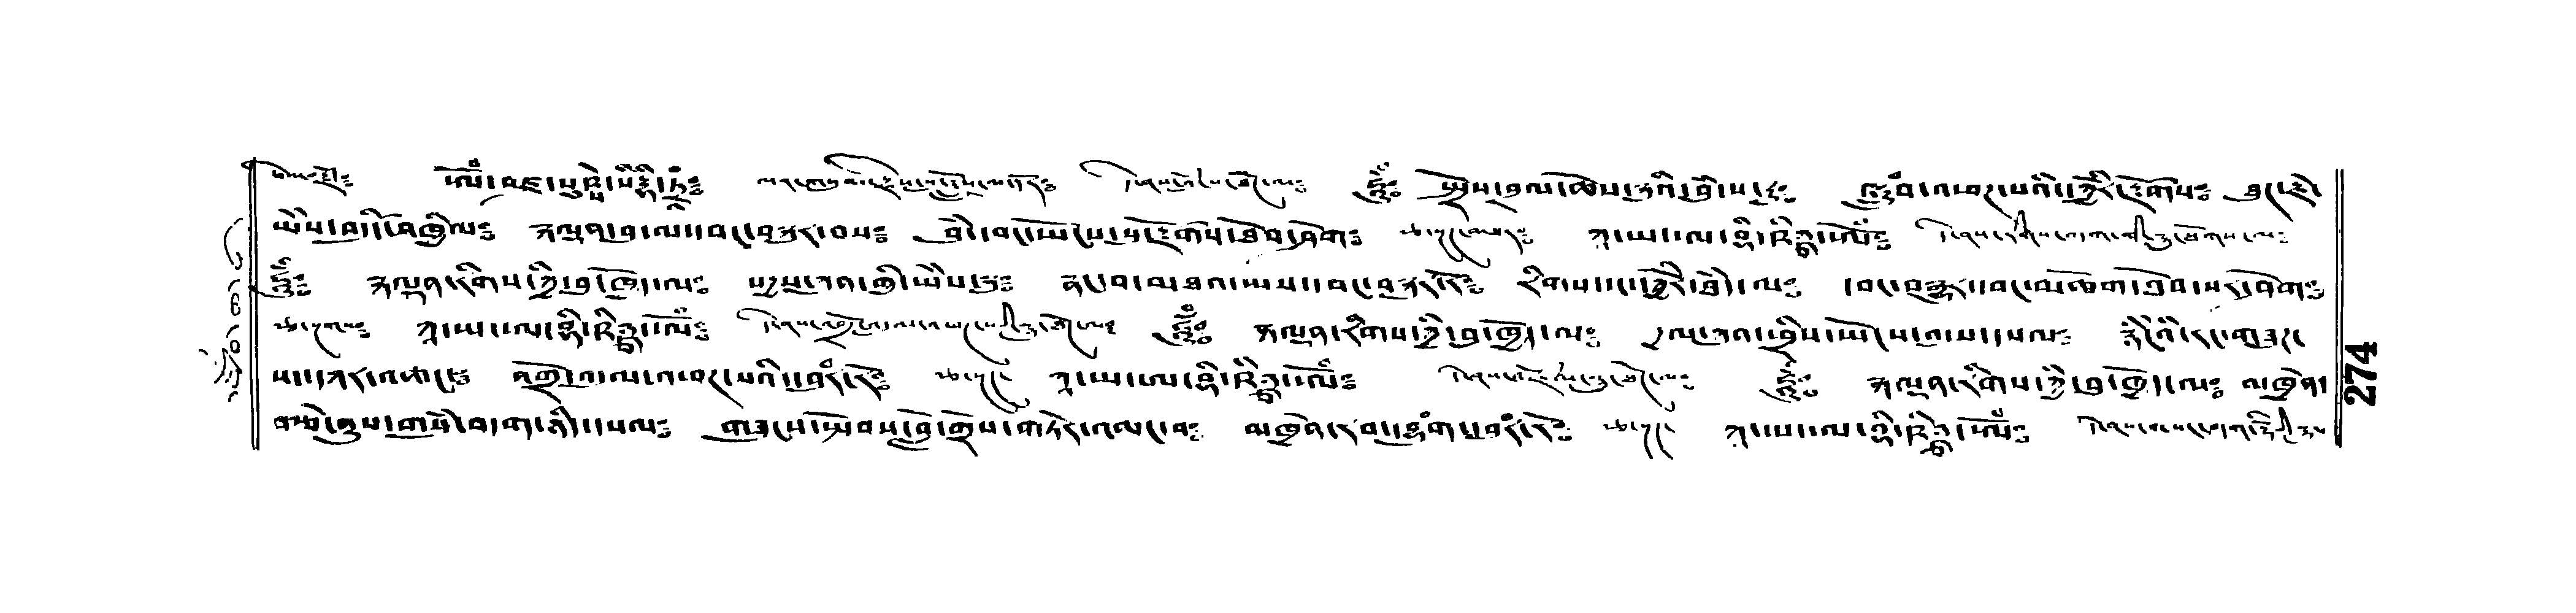ཅེས་བརྗོད༔ ཨོཾ་བཛྲ་པུཥྤེ་སིདྡྷི་ཏྲྃའ༔ ལན་གསུམ་རྗེས་སུ་ཟློས་ལ་དོར༔ དེ་ནས་བུམ་པ་ཐོགས་ལ༔ ཧཱུྃ༔ སྤྲོས་བྲལ་ཆོས་སྐུའི་བུམ་པ་རུ༔ ལྷུན་གྲུབ་འཕགས་པའི་དཀྱིལ་འཁོར་རྫོགས༔ ཐུགས་རྗེ་
ཡེ་ཤེས་བདུད་རྩི་འཁྱིལ༔ སྐལ་ལྡན་བུ་ལ་དབང་བསྐུར་བས༔ བུམ་དབང་ཡོངས་སུ་རྫོགས་ཐོབ་ཤོག༔ རྩ་སྔགས་མཐར༔ ཀཱ་ཡ་ཨ་བྷི་རིཉྩ་ཨོཾ༔ དེ་ནས་རིགས་བདག་གི་སྐུ་ཐོགས་ལ༔ 
ཧཱུྃ༔ སྐལ་ལྡན་རིགས་ཀྱི་བུ་ཁྱོད་ལ༔ སངས་རྒྱས་ཀུན་གྱི་ཡེ་ཤེས་སྐུ༔ སྣང་བ་མཐའ་ཡས་དབང་བསྐུར་རོ༔ རིགས་དང་དཀྱིལ་འཁོར་ཐམས་ཅད་ལ༔ དབང་བསྒྱུར་དབང་མཆོག་ཐོབ་པར་ཤོག༔ 
རྩ་སྔགས༔ ཀཱ་ཡ་ཨ་བྷི་རིཉྩ་ཨོཾ༔ དེ་ནས་འགྲོ་འདུལ་འཕགས་པའི་སྐུ་ཐོགས་ལཿ ཧཱུྃ༔ སྐལ་ལྡན་རིགས་ཀྱི་བུ་ཁྱོད་ལ༔ རྒྱལ་ཀུན་ཕྲིན་ལས་ཡོངས་འདུས་དཔལ༔ སྙིང་རྗེའི་རང་གཟུགས་
པད་དཀར་འཆང༔ འགྲོ་འདུལ་འཕགས་པའི་དབང་བསྐུར་རོ༔ རྩ་སྔགས༔ ཀཱ་ཡ་ཨ་བྷི་རིཉྩ་ཨོཾ༔ དེ་ནས་འཇམ་དཔལ་སྐུ་ཐོགས་ལ༔ ཧཱུྃ༔ སྐལ་ལྡན་རིགས་ཀྱི་བུ་ཁྱོད་ལ༔ མཁྱེན་
བརྩེ་ནུས་གསུམ་བདག་ཉིད་དཔལ༔ གཟུངས་སྤོབས་བློ་གྲོས་གཏེར་འཆང་བ༔ མཁྱེན་རབ་དབང་ཕྱུག་དབང་བསྐུར་རོ༔ རྩ་སྔགས༔ ཀཱ་ཡ་ཨ་བྷི་རིཉྩ་ཨོཾ༔ དེ་ནས་གསང་བདག་རྡོ་རྗེའི་སྐུ་